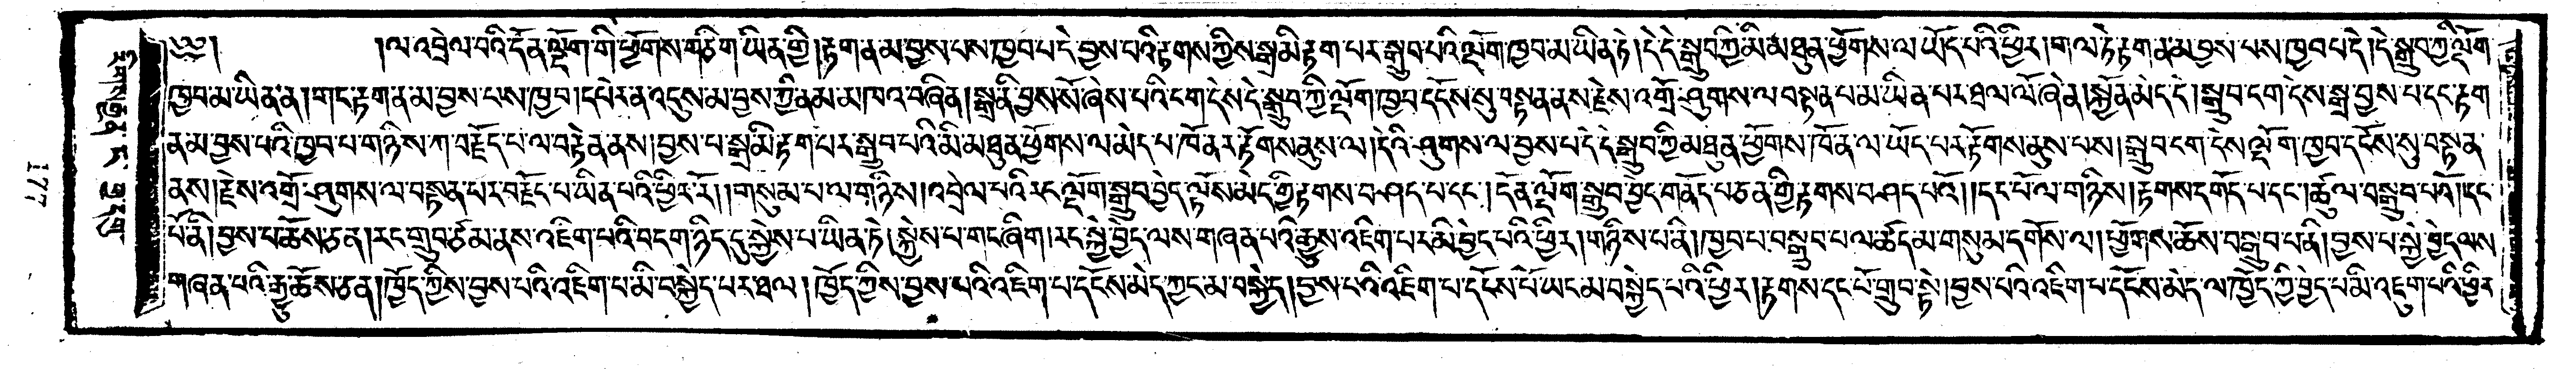༄༅། །ལ་འབྲེལ་བའི་དོན་ལྡོག་གི་ཕྱོགས་གཅིག་ཡིན་གྱི། རྟག་ན་མ་བྱས་པས་ཁྱབ་པ་དེ་བྱས་པའི་རྟགས་ཀྱིས་སྒྲ་མི་རྟག་པར་སྒྲུབ་པའི་ལྡོག་ཁྱབ་མ་ཡིན་ཏེ། དེ་དེ་སྒྲུབ་ཀྱི་མི་མཐུན་ཕྱོགས་ལ་ཡོད་པའི་ཕྱིར། གལ་ཏེ་རྟག་ན་མ་བྱས་པས་ཁྱབ་པ་དེ། དེ་སྒྲུབ་ཀྱི་ལྡོག་
ཁྱབ་མ་ཡིན་ན། གང་རྟག་ན་མ་བྱས་པས་ཁྱབ། དཔེར་ན་འདུས་མ་བྱས་ཀྱི་ནམ་མཁའ་བཞིན། སྒྲ་ནི་བྱས་སོ་ཞེས་པའི་ངག་དེས་དེ་སྒྲུབ་ཀྱི་ལྡོག་ཁྱབ་དངོས་སུ་བསྟན་ནས་རྗེས་འགྲོ་ཤུགས་ལ་བསྟན་པ་མ་ཡིན་པར་ཐལ་ལོ་ཞེ་ན། སྐྱོན་མེད་དེ། སྒྲུབ་ངག་དེས་སྒྲ་བྱས་པ་དང་རྟག་
ན་མ་བྱས་པའི་ཁྱབ་པ་གཉིས་ཀ་བརྗོད་པ་ལ་བརྟེན་ནས། བྱས་པ་སྒྲ་མི་རྟག་པར་སྒྲུབ་པའི་མི་མཐུན་ཕྱོགས་ལ་མེད་པ་ཁོ་ནར་རྟོགས་ནུས་ལ། དེའི་ཤུགས་ལ་བྱས་པ་དེ་དེ་སྒྲུབ་ཀྱི་མཐུན་ཕྱོགས་ཁོ་ན་ལ་ཡོད་པར་རྟོགས་ནུས་པས། སྒྲུབ་དག་དེས་ལྡོག་ཁྱབ་དངོས་སུ་བསྟན་
ནས། རྗེས་འགྲོ་ཤུགས་ལ་བསྟན་པར་བརྗོད་པ་ཡིན་པའི་ཕྱིར་རོ། །གསུམ་པ་ལ་གཉིས། འབྲེལ་བའི་རང་ལྡོག་སྒྲུབ་བྱེད་ལྟོས་མེད་ཀྱི་རྟགས་བཤད་པ་དང་། དོན་ལྡོག་སྒྲུབ་བྱེད་གནོད་པ་ཅན་གྱི་རྟགས་བཤད་པའོ། །དང་པོ་ལ་གཉིས། རྟགས་དགོད་པ་དང་། ཚུལ་བསྒྲུབ་པའོ། །དང་
པོ་ནི། བྱས་པ་ཆོས་ཅན། རང་གྲུབ་ཙམ་ནས་འཇིག་པའི་བདག་ཉིད་དུ་སྐྱེས་པ་ཡིན་ཏེ། སྐྱེས་པ་གང་ཞིག། རང་སྐྱེ་བྱེད་ལས་གཞན་པའི་རྒྱུས་འཇིག་པར་མི་བྱེད་པའི་ཕྱིར། གཉིས་པ་ནི། ཁྱབ་པ་བསྒྲུབ་པ་ལ་ཚད་མ་གསུམ་དགོས་ལ། ཕྱོགས་ཆོས་བསྒྲུབ་པ་ནི། བྱས་པ་སྐྱེ་བྱད་ལས་
གཞན་པའི་རྒྱུ་ཆོས་ཅན། ཁྱོད་ཀྱིས་བྱས་པའི་འཇིག་པ་མི་བསྐྱེད་པར་ཐལ། ཁྱོད་ཀྱིས་བྱས་པའི་འཇིག་པ་དངོས་མེད་ཀྱང་མ་བསྐྱེད། བྱས་པའི་འཇིག་པ་དངོས་པོ་ཡང་མ་བསྐྱེད་པའི་ཕྱིར། རྟགས་དང་པོ་གྲུབ་སྟེ། བྱས་པའི་འཇིག་པ་དངོས་མེད་ལ་ཁྱོད་ཀྱི་བྱེད་པ་ནི་འཇུག་པའི་ཕྱིར་